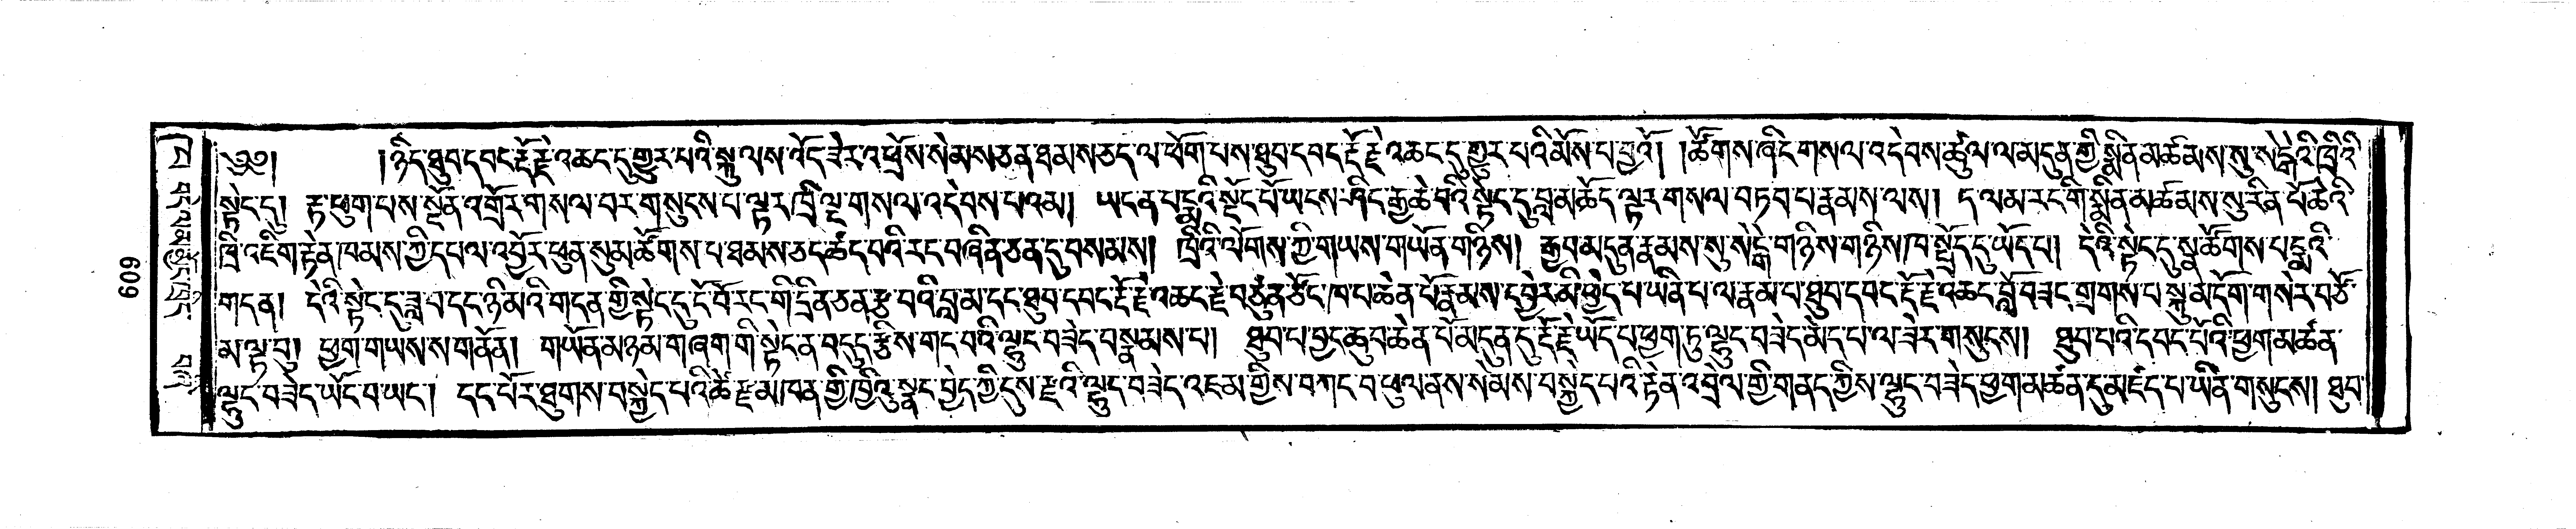༄༅། །ཉིད་ཐུབ་དབང་རྡོ་རྗེ་འཆང་དུ་གྱུར་པའི་སྐུ་ལས་འོད་ཟེར་འཕྲོས་སེམས་ཅན་ཐམས་ཅད་ལ་ཕོག་པས་ཐུབ་དབང་རྡོ་རྗེ་འཆང་དུ་གྱུར་པའི་མོས་པ་བྱའོ། །ཚོགས་ཞིང་གསལ་འདེབས་ཚུལ་ལ་མདུན་གྱི་སྨིན་མཚམས་སུ་སེངྒེའི་ཁྲིའི་
སྟེང་དུ། རྟ་ཕུག་པས་སྔོན་འགྲོར་གསལ་བར་གསུངས་པ་ལྟར་ཁྲི་ལྔ་གསལ་འདེབས་པའམ། ཡང་ན་པདམའི་སྡོང་པོ་ཡངས་ཤིང་རྒྱ་ཆེ་བའི་སྟེང་དུ་བླ་མཆོད་ལྟར་གསལ་བཏབ་པ་རྣམས་ལས། ད་ལམ་རང་གི་སྨིན་མཚམས་སུ་རིན་པོ་ཆེའི་
ཁྲི་འཇིག་རྟེན་ཁམས་ཀྱི་དཔལ་འབྱོར་ཕུན་སུམ་ཚོགས་པ་ཐམས་ཅད་ཚད་བའི་རང་བཞིན་ཅན་དུ་བསམས། ཁྲིའི་ལོགས་ཀྱི་གཡས་གཡོན་གཉིས། རྒྱབ་མདུན་རྣམས་སུ་སེངྒེ་གཉིས་གཉིས་ཁ་སྤྲོད་དུ་ཡོད་པ། དེའི་སྟེང་དུ་སྣ་ཚོགས་པདམའི་
གདན། དེའི་སྟེང་དུ་ཟླ་བ་དང་ཉི་མའི་གདན་གྱི་སྟེང་དུ་ངོ་བོ་རང་གི་དྲིན་ཅན་རྩ་བའི་བླ་མ་དང་ཐུབ་དབང་རྡོ་རྗེ་འཆང་རྗེ་བཙུན་ཙོང་ཁ་པ་ཆེན་པོ་རྣམས་དབྱེར་མི་ཕྱེད་པ་ཡིན་པ་ལ་རྣམ་པ་ཐུབ་དབང་རྡོ་རྗེ་འཆང་བློ་བཟང་གྲགས་པ་སྐུ་མདོག་གསེར་བཙོ་
མ་ལྟ་བུ། ཕྱག་གཡས་ས་གནོན། གཡོན་མཉམ་གཞག་གི་སྟེང་ན་བདུད་རྩིས་གང་བའི་ལྷུང་བཟེད་བསྣམས་པ། ཐུབ་པ་བྱང་ཆུབ་ཆེན་པོ་མདུན་དུ་རྡོ་རྗེ་ཡོད་པ་ཕྱག་ཏུ་ལྷུང་བཟེད་མེད་པ་ལ་ཟེར་གསུངས། ཐུབ་པའི་དབང་པོའི་ཕྱག་མཚན་
ལྷུང་བཟེད་ཡོང་བ་ཡང་། དང་པོར་ཐུགས་བསྐྱེད་པའི་ཚེ་རྫ་མཁན་གྱི་ཁྱིའུ་སྣང་བྱེད་ཀྱི་དུས་རྫའི་ལྷུང་བཟེད་འཇམ་གྱིས་བཀང་བ་ཕུལ་ནས་སེམས་བསྐྱེད་པའི་རྟེན་འབྲེལ་གྱི་གནད་ཀྱིས་ལྷུང་བཟེད་ཕྱག་མཚན་དུ་མཛད་པ་ཡིན་གསུངས། ཐུབ་